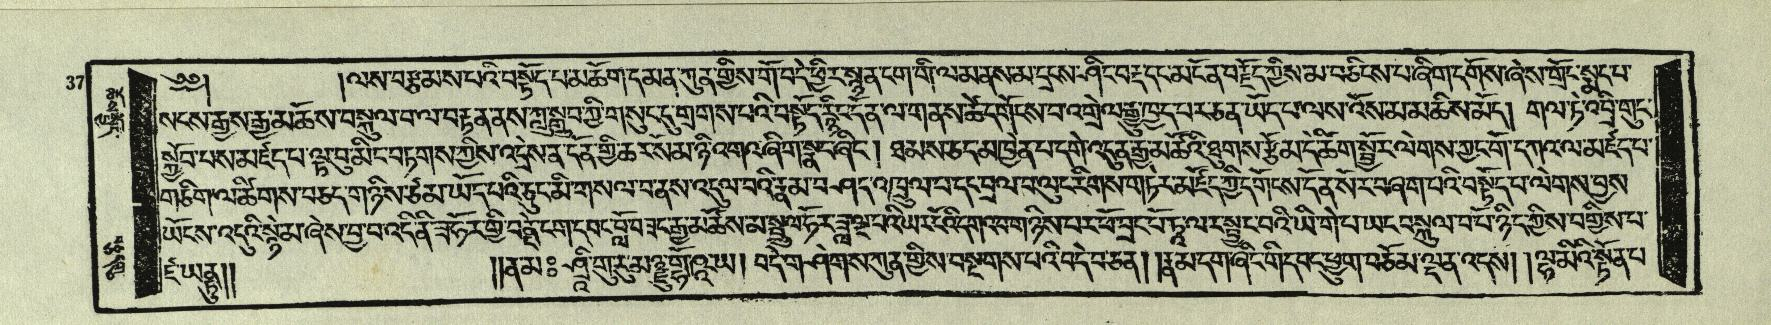༄༅། །ལས་བརྩམས་པའི་བསྟོད་པ་མཆོག་དམན་ཀུན་གྱིས་གོ་བདེ་ཕྱིར་སྙན་ངག་གི་ལམ་ནས་མ་དྲངས་ཤིང་བརྡ་དང་མངོན་བརྗོད་ཀྱིས་མ་བཅིངས་པ་ཞིག་དགོས་ཞེས་གྲོང་སྨད་པ་
སངས་རྒྱས་རྒྱ་མཆོས་བསྐུལ་བ་ལ་བརྟན་ནས་ཀླུ་སྒྲུབ་ཀྱི་གསུང་དུ་གྲགས་པའི་བསྟོད་རྙིང་དོན་ལ་གནས་ཚེ་དགོངས་བ་འགྲེལ་རྒྱུ་ཁྱད་པར་ཅན་ཡོད་པ་ལས་འོས་མ་མཆིས་མོད། གལ་ཏེ་འབྲི་གུང་
སྐྱོབ་པས་མཛད་པ་ལྟ་བུ་མིང་བཏགས་ཀྱིས་འདྲེས་ན་དོན་གྱི་ཆར་སོམ་ཉི་འགའ་ཞིག་སྣང་ཞིང་། ཐམས་ཅད་མཁྱེན་པ་དགེ་འདུན་རྒྱ་མཚོའི་ཐུགས་རྩོམ་དེ་ཚིག་སྦྱོར་ལེགས་ཀྱང་གོ་དཀའ་ལ་མཛད་པ་
གཅིག་ལ་ཚིགས་བཅད་གཉིས་ཙམ་ཡོད་པའི་ཅུང་མི་གསལ་བ་ནས་འདུལ་བའི་རྣམ་བཤད་འཁྲུལ་བ་དང་བྲལ་བ་ལུང་རིགས་གཏེར་མཛོད་ཀྱི་དགོངས་དོན་སོར་བཞག་པའི་བསྟོད་པ་ལེགས་བྱས་
ཡོངས་འདུའི་སྙེ་མ་ཞེས་བྱ་བ་འདི་ནི་ཟ་ཧོར་གྱི་བེནྡ་ངག་དབང་བློ་བཟང་རྒྱ་མཚོས་མ་སྦྲུལ་ཧོར་ཟླ་ལྔ་པའི་ཡར་ངོའི་དགའ་བ་གཉིས་པར་ཕོ་བྲང་པོ་ཏཱ་ལར་སྦྱང་བའི་ཡི་གེ་པ་ཡང་བསྐུལ་བ་པོ་ཉིད་ཀྱིས་བགྱིས་པ་
ཛ་ཡནྟུ།། །།ན་མཿ ཤྲཱི་གུ་རུ་མཉྫུ་གྷོ་ཥཱ་ཡ། བདེ་གཤེགས་ཀུན་གྱིས་བསྔགས་པའི་བདེ་བ་ཅན། །རྣམ་དག་ཞིང་གི་དབང་ཕྱུག་བཅོམ་ལྡན་འདས། །ལྷ་མིའི་སྟོན་པ་